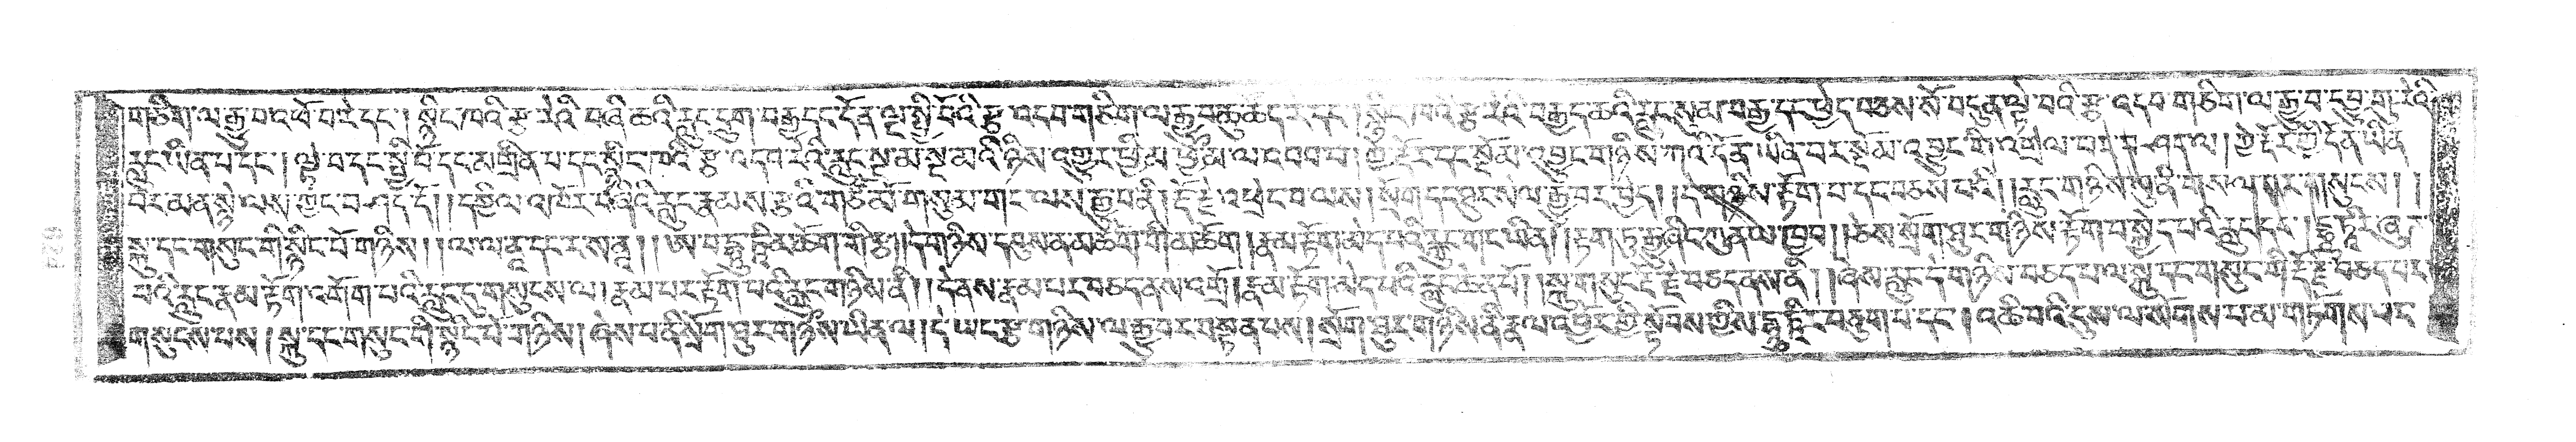གཅིག་ལ་རྒྱུ་བ་འཕོ་བ་རེ་དང་། སྙིང་ཁའི་རྩ་རེའི་བཞི་ཆའི་རླུང་དྲུག་བརྒྱ་དང་དོན་ལྔ་སྤྱི་བོའི་རྩ་འདབ་གཅིག་ལ་རྒྱུ་བ་ཆུ་ཚོད་རེ་དང་། སྙིང་ཁའི་རྩ་རེའི་བརྒྱད་ཆའི་རླུང་སུམ་བརྒྱ་དང་ཕྱེད་བཅས་སོ་བདུན་ལྟེ་བའི་རྩ་འདབ་གཅིག་ལ་རྒྱུ་བ་དབྱུ་གུ་རེའི་
རླུང་ཡིན་པ་དང་། ལྟེ་བ་དང་སྤྱི་བོ་དང་མགྲིན་པ་དང་སྙིང་ཁའི་རྩ་འདབ་རེའི་རླུང་སྔ་མ་སྔ་མའི་ཉིས་འགྱུར་ཕྱི་མ་ཕྱི་མ་ལ་འབབ་པ། ཀྱེ་རྡོར་དང་སྡོམ་འབྱུང་གཉིས་ཀའི་དོན་ཡིན་པར་སྡོམ་འབྱུང་གི་འགྲེལ་པར་བཤད་ལ། ཀྱེ་རྡོར་གྱི་དོན་ཡིན་
པར་མན་སྙེ་ལས་ཀྱང་བཤད་དོ། །དཀྱིལ་འཁོར་བཞིའི་རླུང་རྣམས་རྩའི་གཙོ་མོ་གསུམ་གང་ལས་རྒྱུ་བ་ནི། རྡོ་རྗེ་འཕྲེང་བ་ལས། སྲོག་དང་ཐུར་སེལ་རྒྱུ་བར་བྱེད། །དེ་གཉིས་རྟོག་པ་དང་བཅས་པའི། །རླུང་གཉིས་སུ་ནི་གསལ་བར་གསུངས། །
སྐུ་དང་གསུང་གི་སྙིང་པོ་གཉིས། །ལ་ལ་ནཱ་དང་ར་ས་ནཱ། །ཨ་བ་དྷཱུ་ཏཱི་མཆོག་གི་རྩ། །དེ་གཉིས་དབུས་ན་མཆོག་གི་མཆོག །རྣམ་རྟོག་མེད་པའི་རླུང་གང་ཡིན། །རྟག་ཏུ་རྒྱུ་ཞིང་ཀུན་ལ་ཁྱབ། །ཅེས་སྲོག་ཐུར་གཉིས་རྟོག་པ་སྐྱེད་པའི་རླུང་དང་། དྷཱུ་ཏཱིར་ཞུགས་
པའི་རླུང་རྣམ་རྟོག་འགོག་པའི་རླུང་དུ་གསུངས་ལ། རྣམ་པར་རྟོག་པའི་རླུང་གཉིས་ནི། །དེ་ནས་རྣམ་པར་བཅད་ནས་འགྲོ།རྣམ་རྟོག་མེད་པའི་རླུང་ཆེན་པོ། །སྐུ་གསུང་རྡོ་རྗེ་བཅད་ནས་ནི། །ཞེས་རླུང་དེ་གཉིས་བཅད་པ་ལ་སྐུ་དང་གསུང་གི་རྡོ་རྗེ་བཅད་པར་
གསུངས་པས། སྐུ་དང་གསུང་གི་སྙིང་པོ་གཉིས། ཞེས་པ་ནི་སྲོག་ཐུར་གཉིས་ཡིན་ལ། དེ་ཡང་རྩ་གཉིས་ལ་རྒྱུ་བར་བསྟན་པས། སྲོག་ཐུར་གཉིས་ནི་རྣལ་འབྱོར་གྱི་སྟོབས་ཀྱིས་དྷཱུ་ཏཱིར་བཅུག་པ་དང་། འཆི་བའི་དུས་ལ་སོགས་པ་མ་གཏོགས་པར་